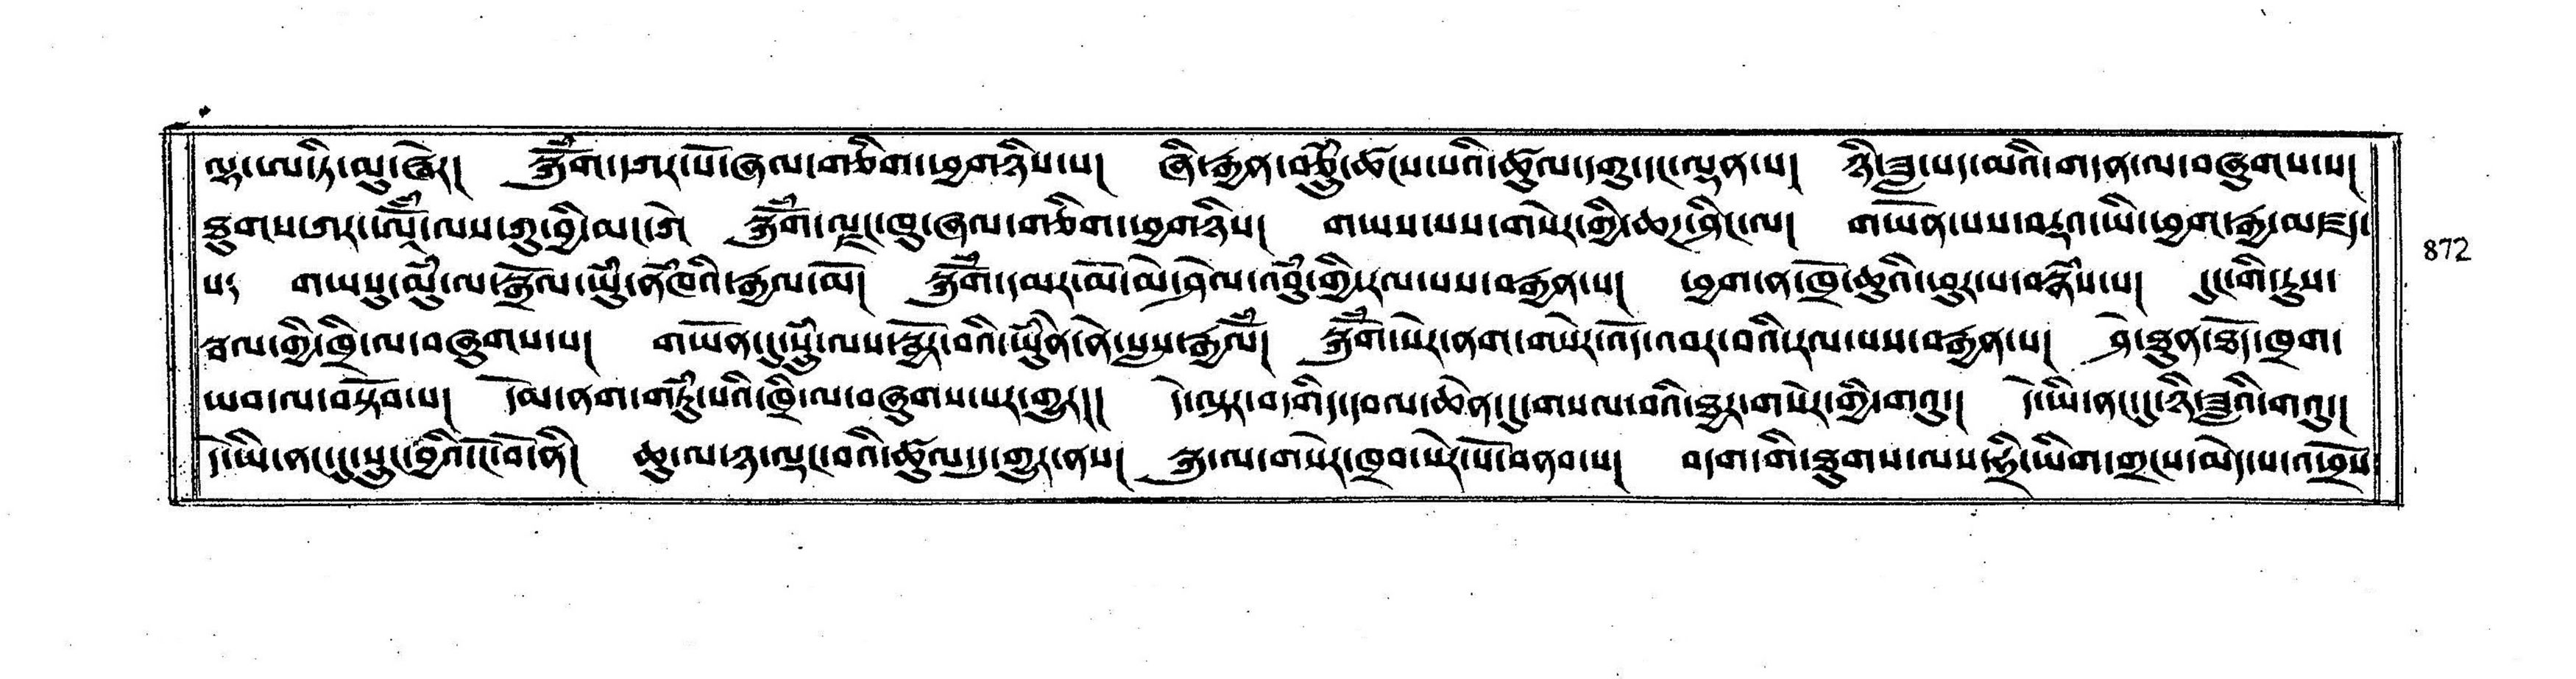ལྷ་ཨ་ཏི་མུ་ཝེར། སྐུ་མདོག་དཀར་པོ་ཞལ་གཅིག་ཕྱག་གཉིས་པ། ཞི་རྒྱན་བཅུ་གསུམ་ཚངས་པའི་ཚུལ་དགུ་དང་ལྡན་པ། ཉི་ཟླ་པད་མའི་གདན་ལ་བཞུགས་པ། 
ཐུགས་ཀར་ཨཱོཾ་ལས་ཀུ་བྱི་མང་ཀེ སྐུ་མདོག་ལྗང་ཁུ་ཞལ་གཅིག་ཕྱག་གཉིས། གཡས་པས་གསེར་གྱི་ཆགས་ཤིང་ལ། གཡོན་པས་བརྡའ་ཡི་ཕྱག་རྒྱ་མཛད་
པ། གཡས་སུ་མུཾ་ལ་སྒྲོལ་ཡུམ་ནམ་མཁའི་རྒྱལ་མོ། སྐུ་མདོག་དམར་མོ་མེ་ཤེལ་འབུམ་གྱི་རལ་པས་བརྒྱན་པ། ཕྱག་ན་ཁྲོ་ཆུའི་ཕུར་པ་བསྣམས་པ། དུང་གི་རུས་
སྦལ་གྱི་ཁྲི་ལ་བཞུགས་པ། གཡོན་དུ་སྲུཾ་ལས་སྦྱོར་བའི་ཡུམ་ཆེན་ནེ་སླས་རྒྱལ་མོ། སྐུ་མདོག་སེར་ནག་གསེར་འོད་འབར་བའི་རལ་པས་བརྒྱན་པ། ཤེ་ཐུན་ཐོད་ཁྲག་
ཡབ་ལ་བསྟོབ་པ། དོམ་ནག་གཏུམ་པའི་ཁྲི་ལ་བཞུགས་པར་གྱུར།། དེ་ལྟར་བདག་ཉིད་དབལ་ཆེན་དུ་གསལ་བའི་ཐུགས་ཀར་གསེར་གྱི་གའུ། དེ་ཡི་ནང་དུ་ཉི་ཟླའི་གའུ། 
དེ་ཡི་ནང་དུ་སྲུང་བྱའི་ངོ་བོ་ནི། ཆུ་ལ་ཉ་ལྡང་བའི་ཚུལ་དུ་གྱུར་ནས། སྐུ་ལ་གསེར་ཁྲབ་སེར་པོ་བནབ་པ། བདག་གི་ཐུགས་ལས་ཧྲི་ཡིག་གྲངས་མེད་པ་འཕྲོས་